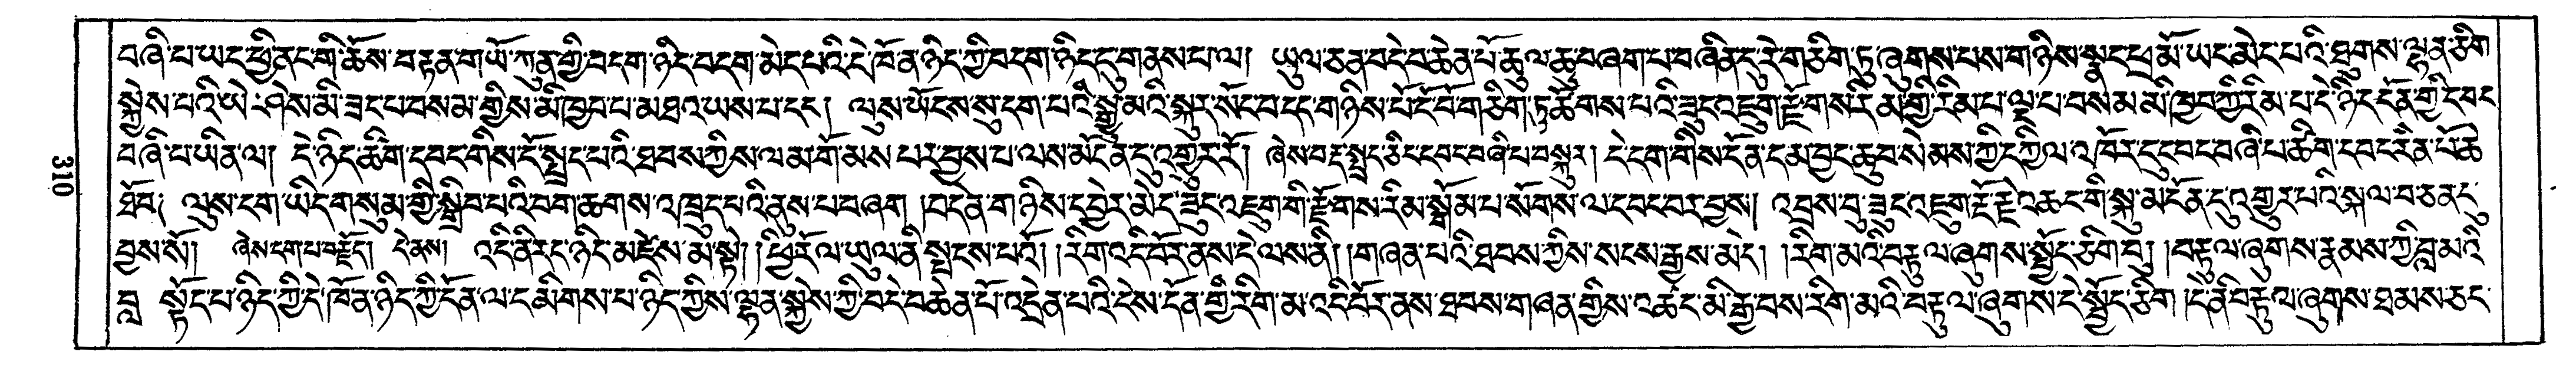བཞི་བ་ཡང་ཕྱི་ནང་གི་ཆོས་བརྟན་གཡོ་ཀུན་གྱི་བདག་ཉིད་བདག་མེད་པའི་དེ་ཁོ་ན་ཉིད་ཀྱི་བདག་ཉིད་དུ་གནས་བ་ལ༑ ཡུལ་ཅན་བདེ་བ་ཆེན་པོ་ཆུ་ལ་ཆུ་བཞག་པ་བཞིན་དུ་རོ་གཅིག་ཏུ་ཞུགས་པས་གཉིས་སྣང་ཕྲ་མོ་ཡང་མེད་བའི་ཐུགས་ལྷན་ཅིག་
སྐྱེས་པའི་ཡེ་ཤེས་མི་ཟད་པ་བསམ་གྱིས་མི་ཁྱབ་པ་མཐའ་ཡས་པ་དང་། ལུས་ཡོངས་སུ་དག་པའི་སྒྱུ་མའི་སྐུར་སོང་བ་དང་གཉིས་པོ་ངོ་བོ་གཅིག་ཏུ་ཚོགས་པའི་ཟུང་འཇུག་རྫོགས་རིམ་གྱི་རིམ་བ་ལྔ་པ་བསམ་མི་ཁྱབ་ཀྱི་རིམ་བ་དེ་ཉིད་དོན་གྱི་དབང་
བཞི་པ་ཡིན་ལ། དེ་ཉིད་ཚིག་དབང་གིས་ངོ་སྤྲང་པའི་ཐབས་ཀྱིས་ལམ་གོམས་པར་བྱས་པ་ལས་མངོན་དུ་འགྱུར་རོ། ཞེས་བརྡ་སྤྲང་ཅིང་དབང་བཞི་པ་བསྐུར། དེ་དག་གིས་དོན་དམ་བྱང་ཆུབ་སེམས་ཀྱི་དཀྱིལ་འཁོར་དུ་དབང་བཞི་པ་ཚིག་དབང་རིན་པོ་ཆེ་
ཐོབ༑ ལུས་ངག་ཡིད་གསུམ་གྱི་སྒྲིབ་པའི་བག་ཆགས་འཁྲུད་པའི་ནུས་པ་བཞག །བདེན་གཉིས་དབྱེར་མེད་ཟུང་འཇུག་གི་རྫོགས་རིམ་སྒོམ་པ་སོགས་ལ་དབང་བར་བྱས། འབྲས་བུ་ཟུང་འཇུག་རྡོ་རྗེ་འཆང་གི་སྐུ་མངོན་དུ་འགྱུར་བའི་སྐལ་བ་ཅན་དུ་
བྱས་སོ། ཞེས་དག་པ་བརྗོད། དེ་ནས། འདི་ནི་རང་ཉིད་མཛེས་མ་སྟེ། །ཕྱི་རོལ་ཡུལ་ནི་སྤངས་པའོ། །རིག་འདི་བོར་ནས་དེ་ལས་ནི། །གཞན་པའི་ཐབས་ཀྱིས་སངས་རྒྱས་མེད། །རིག་མའི་བརྟུལ་ཞུགས་སྤྱོད་ཅིག་བུ། །བརྟུལ་ཞུགས་རྣམས་ཀྱི་བླ་མའི་
བླ༑ ༑སྟོང་པ་ཉིད་ཀྱི་དེ་ཁོ་ན་ཉིད་ཀྱི་དོན་ལ་དམིགས་པ་ཉིད་ཀྱིས་ལྷན་སྐྱེས་ཀྱི་བདེ་བ་ཆེན་པོ་འདྲེན་པའི་ངེས་དོན་གྱི་རིག་མ་འདི་བོར་ནས་ཐབས་གཞན་གྱིས་འཚད་མི་རྒྱ་བས་རིག་མའི་བརྟུལ་ཞུགས་དེ་སྤྱོད་ཅིག །དེ་ནི་བརྟུལ་ཞུགས་ཐམས་ཅད་